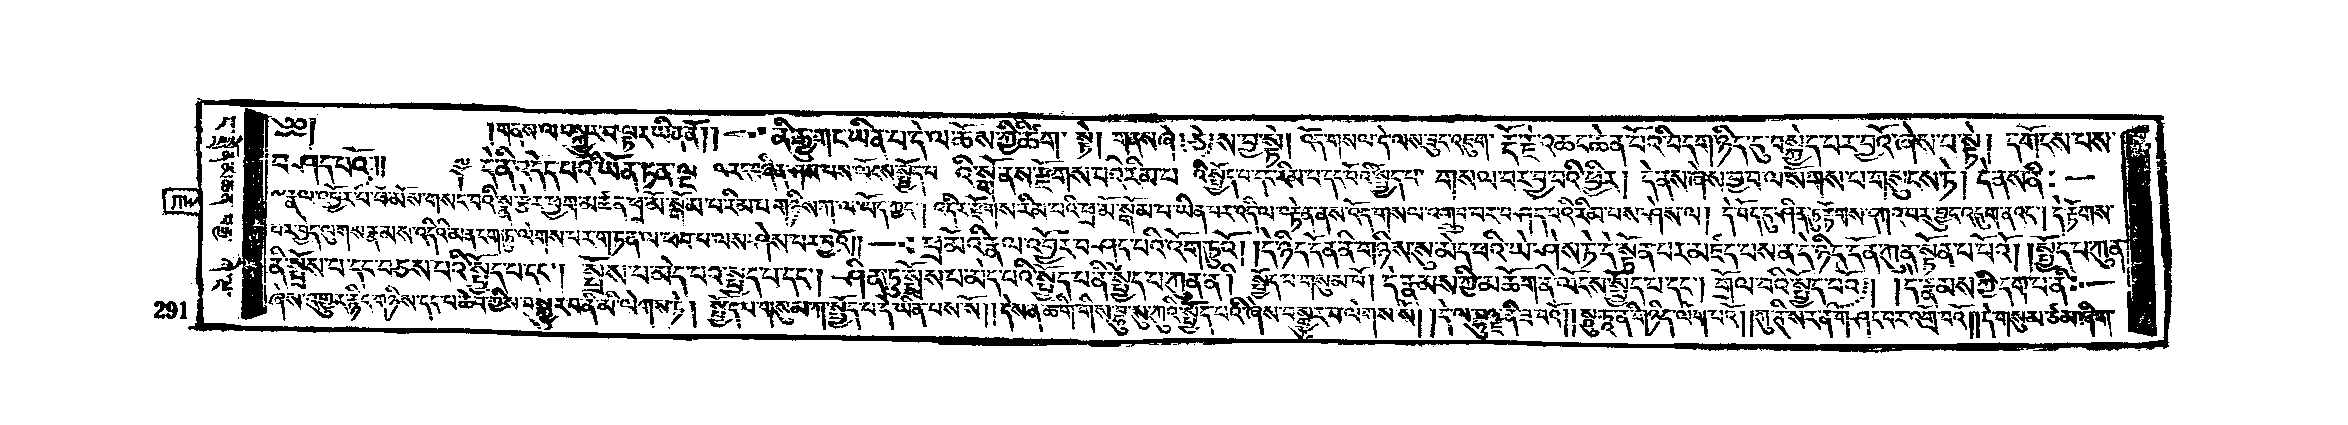༄༅། །གནས་ལ་བསྒྱུར་བ་ལྟར་ཡིན་ནོ། །.H ནི་རྒྱུ་གང་ཡིན་པ་དེ་ལ་ཆོས་ཀྱི་ཚིག་སྟེ། གནས་ཞེ་ཅེས་བྱ་སྟེ། འོད་གསལ་དེ་ལས་ཟུང་འཇུག་རྡོ་རྗེ་འཆང་ཆེན་པོའི་བདག་ཉིད་དུ་བསྐྱེད་པར་བྱའོ་ཞེས་པ་སྟེ། དགོངས་པས་
བཤད་པའོ།། ༈ དེ་ནི་འདོད་པའི་ཡོན་ཏན་ལྔ་ལ་རང་བཞིན་ཤེས་པས་ལོངས་སྤྱོད་པའི་སྒོ་ནས་རྫོགས་པའི་རིམ་པའི་སྤྱོད་པ་དང་རིམ་པ་དང་པོའི་སྤྱོད་པ་གསལ་བར་བྱ་བའི་ཕྱིར། དེ་ནས་ཞེས་བྱ་བ་ལ་སོགས་པ་གསུངས་ཏེ། དེ་ནས་ནི་H.
༧རྣལ་འབྱོར་པ་ཕོ་མོས་གསང་བའི་སྣ་རྩེར་ཕྱག་མཚན་ཕྲ་མོ་སྒོམ་པ་རིམ་པ་གཉིས་ཀ་ལ་ཡོད་ཀྱང་། འདིར་རྫོགས་རིམ་པའི་ཕྲ་མོ་སྒོམ་པ་ཡིན་པར་འདི་ལ་བརྟེན་ནས་འོད་གསལ་འགྲུབ་པར་བཤད་པའི་རིམ་པས་ཤེས་ལ། དེ་བོད་དུ་ཤིན་ཏུ་རྟོགས་དཀའ་བར་བྱུང་འདུག་ནའང་། དེ་རྟོགས་
པར་བྱེད་ལུགས་རྣམས་འདིའི་མན་ངག་ཏུ་ལེགས་པར་གཏན་ལ་ཕབ་པ་ལས་ཤེས་པར་བྱའོ།། .H ཕྲ་མོའི་རྣལ་འབྱོར་བཤད་པའི་འོག་ཏུའོ། །དེ་ཉིད་དོན་ནི་གཉིས་སུ་མེད་པའི་ཡེ་ཤེས་ཏེ་དེ་སྟོན་པར་མཛད་པས་ན་དེ་ཉིད་དོན་ཀུན་སྟོན་པ་པོའོ། །སྤྱོད་པ་ཀུན་
ནི་སྤྲོས་པ་དང་བཅས་པའི་སྤྱོད་པ་དང་། སྤྲོས་པ་མེད་པའི་སྤྱོད་པ་དང་། ཤིན་ཏུ་སྤྲོས་པ་མེད་པའི་སྤྱོད་པ་ནི་སྤྱོད་པ་ཀུན་ནི། སྤྱོད་པ་གསུམ་པོ། དེ་རྣམས་ཀྱི་མཆོག་ནི་ལོངས་སྤྱོད་པ་དང་། གྲོལ་བའི་སྤྱོད་པའོ། །དེ་རྣམས་ཀྱི་དག་པ་ནི་
ཞེས་འགྱུར་རྙིང་གཉིས་དང་པ་ཆབ་ཀྱིས་བསྒྱུར་བ་ནི་མི་ལེགས་ཏེ། སྤྱོད་པ་གསུམ་ཀ་སྤྱོད་པ་དེ་ཡིན་པས་སོ། །དེས་ན་ཚིག་གིས་བྷུ་སུ་ཀུའི་སྤྱོད་པའི་ཞེས་བསྒྱུར་བ་ལེགས་སོ། །དེ་ལ་བྷུཉྫ་ནི་ཟ་བའོ། །སཱུ་ཏཱ་ནི་གཉིད་ལོག་པའོ། །ཀུ་ཊི་ས་ར་ནི་གཤང་བར་འགྲོ་བའོ། །དེ་གསུམ་ཙམ་ཞིག་